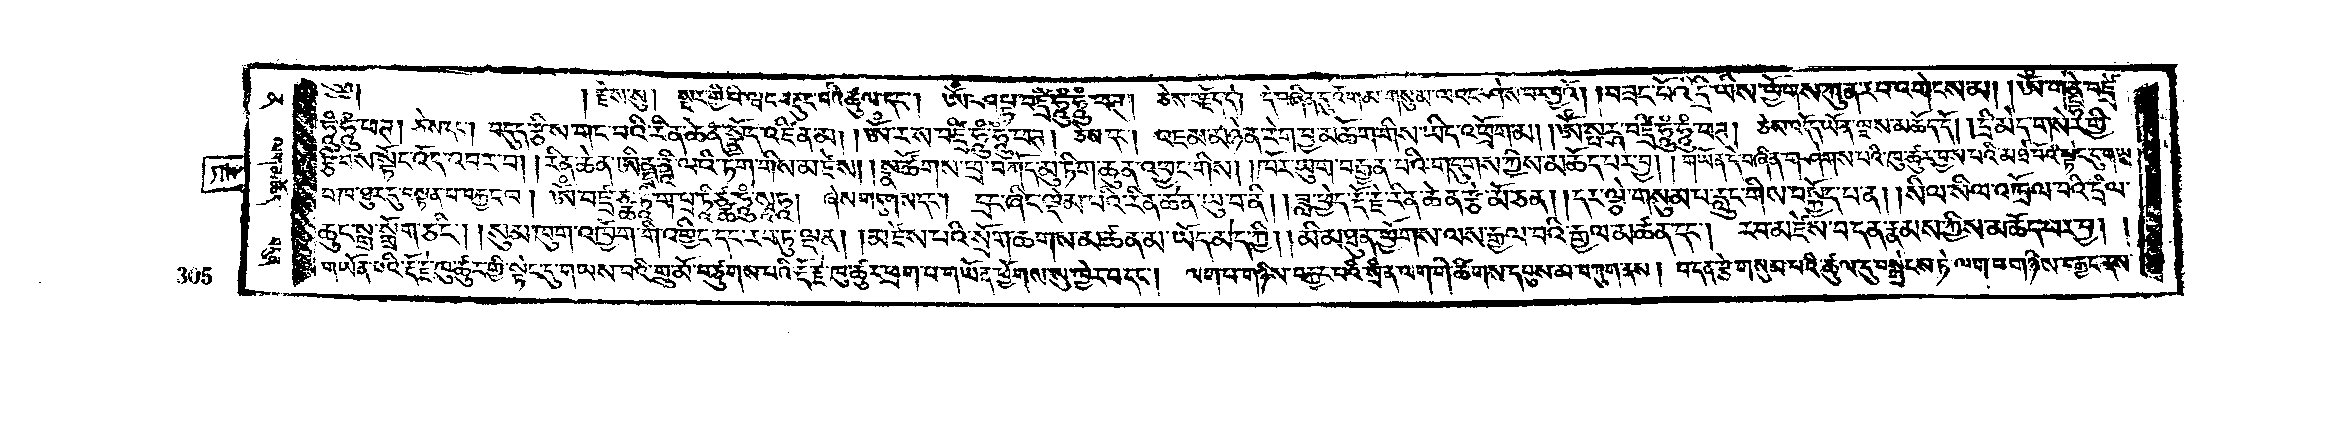༄༅། །རྗེས་སུ། སྔར་གྱི་པི་ཝང་བརྡུང་བའི་ཚུལ་དང་། ཨོཾ་ཤཔྟ་བཛྲི་ཧཱུཾ་ཧཱུཾ་ཕཊ། ཅེས་བརྗོད་དེ། དེ་བཞིན་དུ་འོག་མ་གསུམ་ལའང་ཤེས་པར་བྱའོ།  །བཟང་པོའི་དྲི་ཡིས་ཕྱོགས་ཀུན་རབ་འགེངས་མ། །ཨོཾ་གནྡྷེ་བཛྲེ་
ཧཱུཾ་ཧཱུཾ་ཕཊ། ཅེས་དང་།  བདུད་རྩིས་གང་བའི་རིན་ཆེན་སྣོད་འཛིན་མ། །ཨོཾ་ར་ས་བཛྲི་ཧཱུཾ་ཧཱུཾ་ཕཊ། ཅེས་དང་།  འཇམ་མཉེན་རེག་བྱ་མཆོག་གིས་ཡིད་འཕྲོག་མ། །ཨོཾ་སྤརྴ་བཛྲི་ཧཱུཾ་ཧཱུཾ་ཕཊ། ཅེས་འདོད་ཡོན་ལྔས་མཆོད་དོ།  །དྲི་མེད་གསེར་གྱི་
རྩིབས་སྟོང་འོད་འབར་བ། །རིན་ཆེན་ཨིནྡྲ་ནཱི་ལའི་ཏོག་གིས་མཛེས། །སྣ་ཚོགས་ཕྲ་བཀོད་མུ་ཏིག་ཆུན་འཕྱང་གིས། །ཁོར་ཡུག་བརྒྱན་པའི་གདུགས་ཀྱིས་མཆོད་པར་བྱ། །གཡོན་དེ་བཞིན་གཤེགས་པའི་ཁུ་ཚུར་བྱས་པའི་མཐེ་བོའི་སྟེང་དུ་གཡས་
པ་ཁ་ཐུར་དུ་བསྟན་པ་བརྐྱང་ལ། ཨོཾ་བཛྲ་ཙྪ་ཏཱཾ་ག་པྲ་ཏཱི་ཙྪ་ཧཱུཾ་སྭཱ་ཧཱ། ཞེས་གདུགས་དང་།  དྲང་ཞིང་ལྡེམ་པའི་རིན་ཆེན་ཡུ་བ་ནི། །ཟླ་ཕྱེད་རྡོ་རྗེ་རིན་ཆེན་རྩེ་མོ་ཅན། །དར་ལྕེ་གསུམ་པ་རླུང་གིས་བསྐྱོད་པ་ན། །སིལ་སིལ་འཁྲོལ་བའི་དྲིལ་
ཆུང་སྒྲ་སྒྲེག་ཅིང་། །སུམ་ཁུག་འཁྱོག་གི་འགྱེང་དང་རབ་ཏུ་ལྡན། །མཛེས་པའི་སྲོག་ཆགས་མཚན་མ་ཡོད་མེད་ཀྱི། །མི་མཐུན་ཕྱོགས་ལས་རྒྱལ་བའི་རྒྱལ་མཚན་དང་། རབ་མཛེས་བ་དན་རྣམས་ཀྱིས་མཆོད་པར་བྱ། །
གཡོན་པའི་རྡོ་རྗེ་ཁུ་ཚུར་གྱི་སྟེང་དུ་གཡས་པའི་གྲུ་མོ་བཙུགས་པའི་རྡོ་རྗེ་ཁུ་ཚུར་ཕྲག་པ་གཡོན་ཕྱོགས་སུ་ཁྱེར་བ་དང་། ལག་པ་གཉིས་བརྐྱང་པའི་སྲིན་ལག་གི་ཚིག་དབུས་མ་བཀུག་ནས། བ་དན་རྩེ་གསུམ་པའི་ཚུལ་དུ་བསྒྲེངས་ཏེ་ལག་པ་གཉིས་བརྐྱང་ནས་